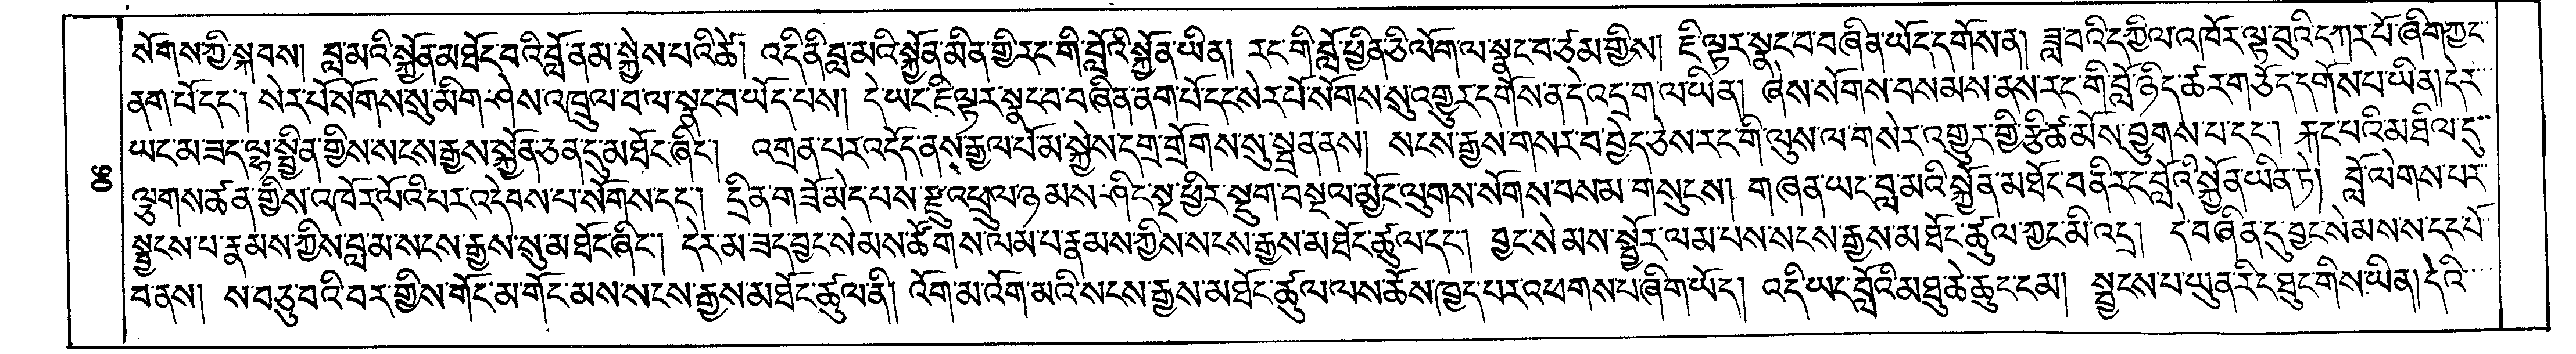སོགས་ཀྱི་སྐབས། བླ་མའི་སྐྱོན་མཐོང་བའི་བློ་ནམ་སྐྱེས་པའི་ཚེ། འདི་ནི་བླ་མའི་སྐྱོན་མིན་གྱི་རང་གི་བློའི་སྐྱོན་ཡིན། རང་གི་བློ་ཕྱིན་ཅི་ལོག་ལ་སྣང་བཙམ་གྱིས། ཇི་ལྟར་སྣང་བ་བཞིན་ཡོད་དགོས་ན། ཟླ་བའི་དཀྱིལ་འཁོར་ལྟ་བུའི་དཀར་པོ་ཞིག་ཀྱང་
ནག་པོ་དང་། སེར་བོ་སོགས་སུ་མིག་ཤེས་འཁྲུལ་བ་ལ་སྣང་བ་ཡོད་པས། དེ་ཡང་ཇི་ལྟར་སྣང་བ་བཞིན་ནག་བོ་དང་སེར་པོ་སོགས་སུ་འགྱུར་དགོས་ན་དེ་འདྲ་ག་ལ་ཡིན། ཞེས་སོགས་བསམས་ནས་རང་གི་བློ་ཉིད་ཚར་གཅོད་དགོས་པ་ཡིན། དེར་
ཡང་མ་ཟད་ལྷ་སྦྱིན་གྱིས་སངས་རྒྱས་སྐྱོན་ཅན་དུ་མཐོང་ཞིང་། འགྲན་པར་འདོད་ནས་རྒྱལ་པོ་མ་སྐྱེས་དགྲ་གྲོགས་སུ་སྦྲན་ནས། སངས་རྒྱས་གསར་པ་བྱེད་ཅེས་རང་གི་ལུས་ལ་གསེར་འགྱུར་གྱི་རྩི་ཚ་མོས་བྱུགས་པ་དང་། རྐང་པའི་མཐིལ་དུ་
ལྕགས་ཚན་གྱིས་འཁོར་ལོའི་པར་འདེབས་པ་སོགས་དང་། དྲིན་གཟོ་མེད་པས་རྫུ་འཕྲུལ་ཉམས་ཤིང་སྔ་ཕྱིར་སྡུག་བསྔལ་མྱོང་ལུགས་སོགས་བསམ་གསུངས། གཞན་ཡང་བླ་མའི་སྐྱོན་མཐོང་བ་ནི་རང་བློའི་སྐྱོན་ཡིན་ཏེ། བློ་ལེགས་པར་
སྦྱངས་པ་རྣམས་ཀྱིས་བླ་མ་སངས་རྒྱས་སུ་མཐོང་ཞིང་། དེར་མ་ཟད་བྱང་སེམས་ཚོགས་ལམ་པ་རྣམས་ཀྱིས་སངས་རྒྱས་མཐོང་ཚུལ་དང་། བྱང་སེམས་སྦྱོར་ལམ་པས་སངས་རྒྱས་མཐོང་ཚུལ་ཀྱང་མི་འདྲ། དེ་བཞིན་དུ་བྱང་སེམས་ས་དང་པོ་
པ་ནས། ས་བཅུ་པའི་བར་གྱིས་གོང་མ་གོང་མས་སངས་རྒྱས་མཐོང་ཚུལ་ནི། འོག་མ་འོག་མའི་སངས་རྒྱས་མཐོང་ཚུལ་ལས་ཆེས་ཁྱད་པར་འཕགས་པ་ཞིག་ཡོད། འདི་ཡང་བློའི་མཐུ་ཆེ་ཆུང་ངམ། སྦྱངས་པ་ཡུན་རིང་ཐུང་གིས་ཡིན། དེའི་